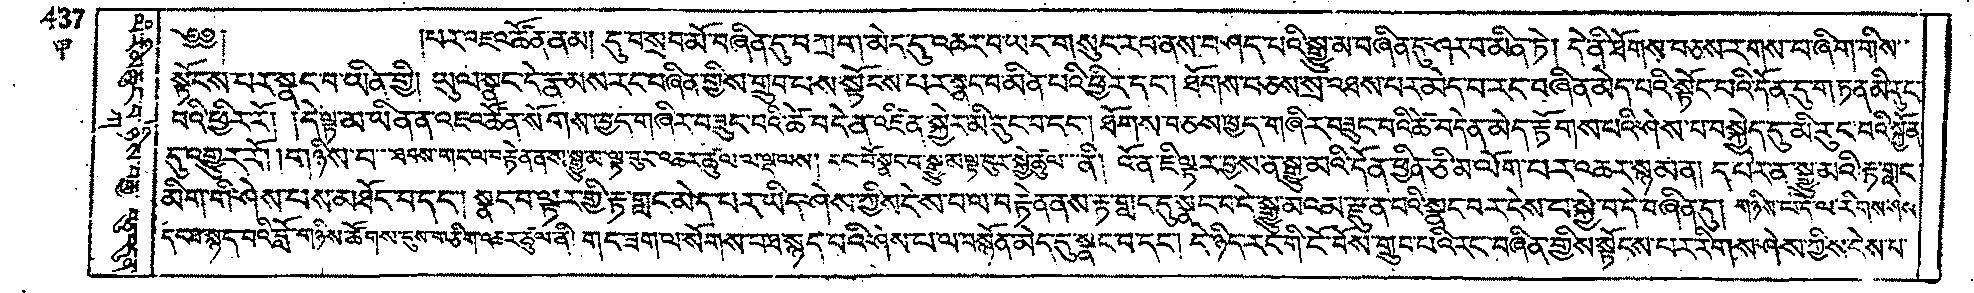༄༅། །པར་འཇའ་ཚོན་ནམ། དུ་བ་སྲབ་མོ་བཞིན་དུ་བཀྲག་མེད་དུ་འཆར་བ་ཡང་གསུང་རབ་ནས་བཤད་པའི་སྒྱུ་མ་བཞིན་དུ་ཤར་བ་མིན་ཏེ། དེ་ནི་ཐོགས་བཅས་རགས་པ་ཞིག་གིས་
སྟོངས་པར་སྣང་བ་ཡིན་གྱི། ཡུལ་སྣང་དེ་རྣམས་རང་བཞིན་གྱིས་གྲུབ་པས་སྟོངས་པར་སྣང་བ་མིན་པའི་ཕྱིར་དང་། ཐོགས་བཅས་སྲ་འཐས་པར་མེད་པ་རང་བཞིན་མེད་པའི་སྟོང་པའི་དོན་དུ་གཏན་མི་རུང་
བའི་ཕྱིར་རོ། །དེ་ལྟ་མ་ཡིན་ན་འཇའ་ཚོན་སོགས་ཁྱད་གཞིར་བཟུང་བའི་ཚེ་བདེན་འཛིན་སྐྱེར་མི་རུང་བ་དང་། ཐོགས་བཅས་ཁྱད་གཞིར་བཟུང་བའི་ཚེ་བདེན་མེད་རྟོགས་པའི་ཤེས་པ་བསྐྱེད་དུ་མི་རུང་བའི་སྐྱོན་
དུ་འགྱུར་རོ། །གཉིས་པ་ཐབས་གང་ལ་བརྟེན་ནས་སྒྱུ་མ་ལྟ་བུར་འཆར་ཚུལ་ལ་ལྔ་ལས། དང་པོ་སྣང་བ་སྒྱུ་མ་ལྟ་བུར་སྐྱེ་ཚུལ་ནི། འོ་ན་ཇི་ལྟར་བྱས་ན་སྒྱུ་མའི་དོན་ཕྱིན་ཅི་མ་ལོག་པར་འཆར་སྙམ་ན། དཔེར་ན་སྒྱུ་མའི་རྟ་གླང་
མིག་གི་ཤེས་པས་མཐོང་བ་དང་། སྣང་བ་ལྟར་གྱི་རྟ་གླང་མེད་པར་ཡིད་ཤེས་ཀྱིས་ངེས་པ་ལ་བརྟེན་ནས་རྟ་གླང་དུ་སྣང་བ་དེ་སྒྱུ་མའམ་རྫུན་པའི་སྣང་བར་ངེས་པ་སྐྱེ་བ་དེ་བཞིན་དུ། གཉིས་པ་དེ་ལ་རིགས་ཤེས་
དང་ཐ་སྙད་བའི་བློ་གཉིས་ཚོགས་དུས་གཅིག་འཆར་ཚུལ་ནི། གང་ཟག་ལ་སོགས་པ་ཐ་སྙད་པའི་ཤེས་པ་ལ་བསྙོན་མེད་དུ་སྣང་བ་དང་། དེ་ཉིད་རང་གི་ངོ་བོས་གྲུབ་པའི་རང་བཞིན་གྱིས་སྟོངས་པར་རིགས་ཤེས་ཀྱིས་ངེས་པ་